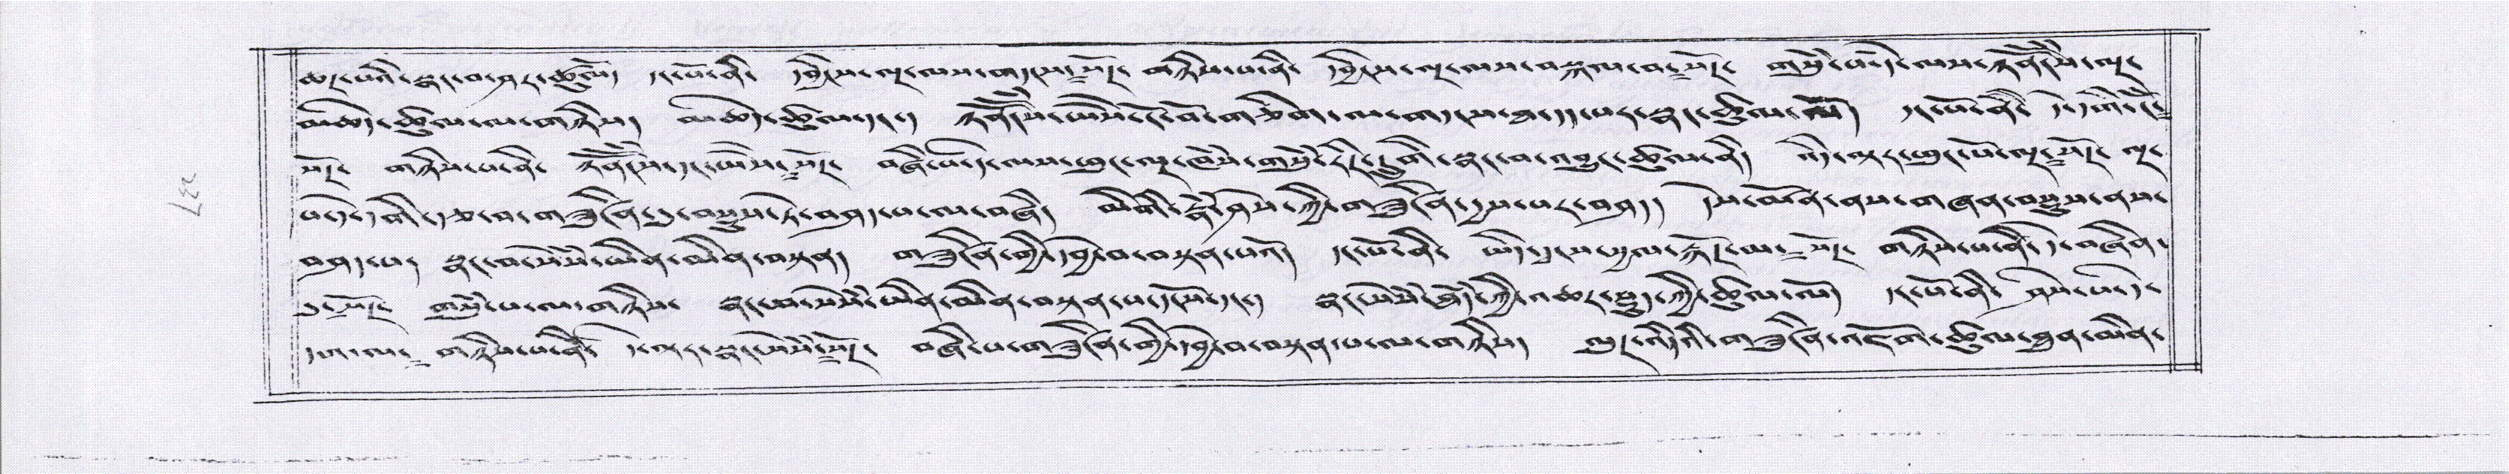ཆགས་པའི་སྣང་བ་ཤར་ཚུལ་ལོ། དང་པོ་ནི། དབྱིངས་ལྔ་ལས་གདངས་་་སོགས། གཉིས་པ་ནི། དབྱིངས་ལྔ་ལས་བསྐལ་བ་་་སོགས། གསུམ་པ་དེ་ལས་ཉོན་མོངས་ལྔ། 
མཆེད་ཚུལ་ལ་གཉིས། མཆེད་ཚུལ་དང། ཉོན་མོངས་ཡེ་ཤེས་ངོ་བོ་གཅིག་ལ་གདངས་ཐ་དད་པར་སྣང་ཚུལ་ལོ། དང་པོ་ནི། དེ་དག་གི་ངོ་བོ་
སོགས། གཉིས་པ་ནི། ཉོན་མོངས་དང་ཡེ་ཤེས་སོགས། བཞི་པ་དེ་ལས་ཕུང་ལྔ་ཁམས་གསུམ་རིགས་དྲུག་གི་སྣང་བ་འབྱུང་ཚུལ་ནི། འདི་ལྟར་ཕུང་པོ་ལྔ་སོགས། ལྔ་
བ་དེ་དག་གི་རྩ་བ་གཟུང་འཛིན་དུ་བསྡུས་ཏེ་བཤད་པ་ལ་བཞི། མིག་གི་རྣམ་ཤེས་ཀྱི་གཟུང་འཛིན་རྒྱས་པར་བཤད། དེས་མཚོན་ནས་གཞན་བསྡུས་ནས་
བཤད་པ། སྣང་བ་སེམས་ཡིན་མིན་བསྟན། གཟུང་འཛིན་གྱི་དབྱེ་བ་བསྟན་པའོ། དང་པོ་ནི། ཡིད་དྭངས་གསལ་རྐོགས་མ་སོགས། གཉིས་པ་ནི། དེ་བཞིན་
དུ་སོགས། གསུམ་པ་ལ་གཉིས། སྣང་བ་སེམས་ཡིན་མིན་བསྟན་པ་དངོས་དང། སྣང་སེམས་ཐམས་ཅད་ཀྱི་འཆར་སྡུད་ཀྱི་ཚུལ་ལོ། དང་པོ་ནི། ཤེས་པ་དེ་
དག་ལ། གཉིས་པ་ནི། དེ་ལྟར་སྣང་སེམས་སོགས། བཞི་པ་གཟུང་འཛིན་གྱི་དབྱེ་བ་བསྟན་པ་ལ་གཉིས། ལུགས་འདིའི་གཟུང་འཛིན་འཇོག་ཚུལ་ཐུན་མིན་